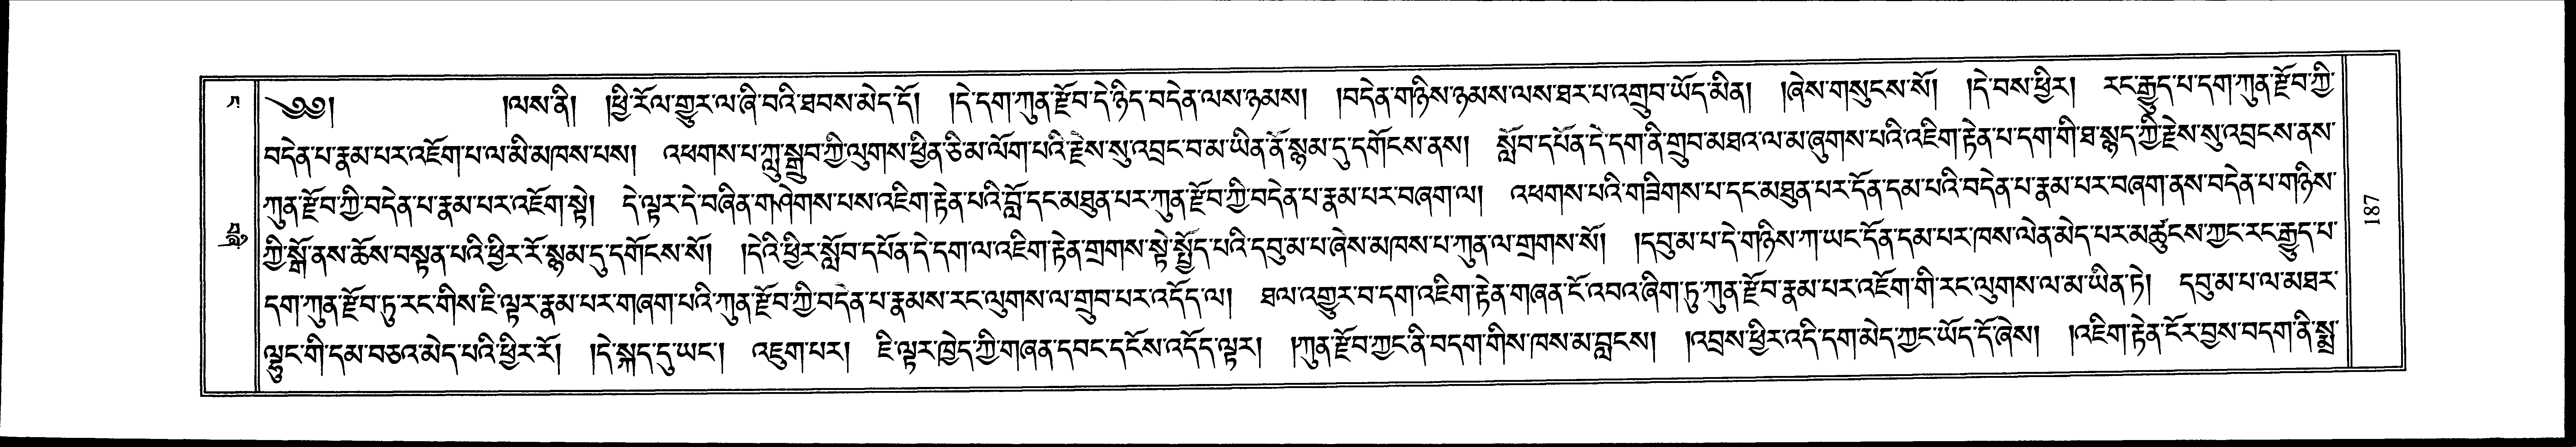༄༅། །ལས་ནི། །ཕྱི་རོལ་གྱུར་ལ་ཞི་བའི་ཐབས་མེད་དོ། །དེ་དག་ཀུན་རྫོབ་དེ་ཉིད་བདེན་ལས་ཉམས། །བདེན་གཉིས་ཉམས་ལས་ཐར་པ་འགྲུབ་ཡོད་མིན། །ཞེས་གསུངས་སོ། །དེ་བས་ཕྱིར། རང་རྒྱུད་པ་དག་ཀུན་རྫོབ་ཀྱི་
བདེན་པ་རྣམ་པར་འཇོག་པ་ལ་མི་མཁས་པས། འཕགས་པ་ཀླུ་སྒྲུབ་ཀྱི་ལུགས་ཕྱིན་ཅི་མ་ལོག་པའི་རྗེས་སུ་འབྲང་བ་མ་ཡིན་ནོ་སྙམ་དུ་དགོངས་ནས། སློབ་དཔོན་དེ་དག་ནི་གྲུབ་མཐའ་ལ་མ་ཞུགས་པའི་འཇིག་རྟེན་པ་དག་གི་ཐ་སྙད་ཀྱི་རྗེས་སུ་འབྲངས་ནས་
ཀུན་རྫོབ་ཀྱི་བདེན་པ་རྣམ་པར་འཇོག་སྟེ། དེ་ལྟར་དེ་བཞིན་གཤེགས་པས་འཇིག་རྟེན་པའི་བློ་དང་མཐུན་པར་ཀུན་རྫོབ་ཀྱི་བདེན་པ་རྣམ་པར་བཞག་ལ། འཕགས་པའི་གཟིགས་པ་དང་མཐུན་པར་དོན་དམ་པའི་བདེན་པ་རྣམ་པར་བཞག་ནས་བདེན་པ་གཉིས་
ཀྱི་སྒོ་ནས་ཆོས་བསྟན་པའི་ཕྱིར་རོ་སྙམ་དུ་དགོངས་སོ། །དེའི་ཕྱིར་སློབ་དཔོན་དེ་དག་ལ་འཇིག་རྟེན་གྲགས་སྟེ་སྤྱོད་པའི་དབུ་མ་པ་ཞེས་མཁས་པ་ཀུན་ལ་གྲགས་སོ། །དབུ་མ་པ་དེ་གཉིས་ཀ་ཡང་དོན་དམ་པར་ཁས་ལེན་མེད་པར་མཚུངས་ཀྱང་རང་རྒྱུད་པ་
དག་ཀུན་རྫོབ་ཏུ་རང་གིས་ཇི་ལྟར་རྣམ་པར་གཞག་པའི་ཀུན་རྫོབ་ཀྱི་བདེན་པ་རྣམས་རང་ལུགས་ལ་གྲུབ་པར་འདོད་ལ། ཐལ་འགྱུར་བ་དག་འཇིག་རྟེན་གཞན་ངོ་འབའ་ཞིག་ཏུ་ཀུན་རྫོབ་རྣམ་པར་འཇོག་གི་རང་ལུགས་ལ་མ་ཡིན་ཏེ། དབུ་མ་པ་ལ་མཐར་
ལྷུང་གི་དམ་བཅའ་མེད་པའི་ཕྱིར་རོ། །དེ་སྐད་དུ་ཡང་། འཇུག་པར། ཇི་ལྟར་ཁྱེད་ཀྱི་གཞན་དབང་དངོས་འདོད་ལྟར། །ཀུན་རྫོབ་ཀྱང་ནི་བདག་གིས་ཁས་མ་བླངས། །འབྲས་ཕྱིར་འདི་དག་མེད་ཀྱང་ཡོད་དོ་ཞེས། །འཇིག་རྟེན་ངོར་བྱས་བདག་ནི་སྨྲ་